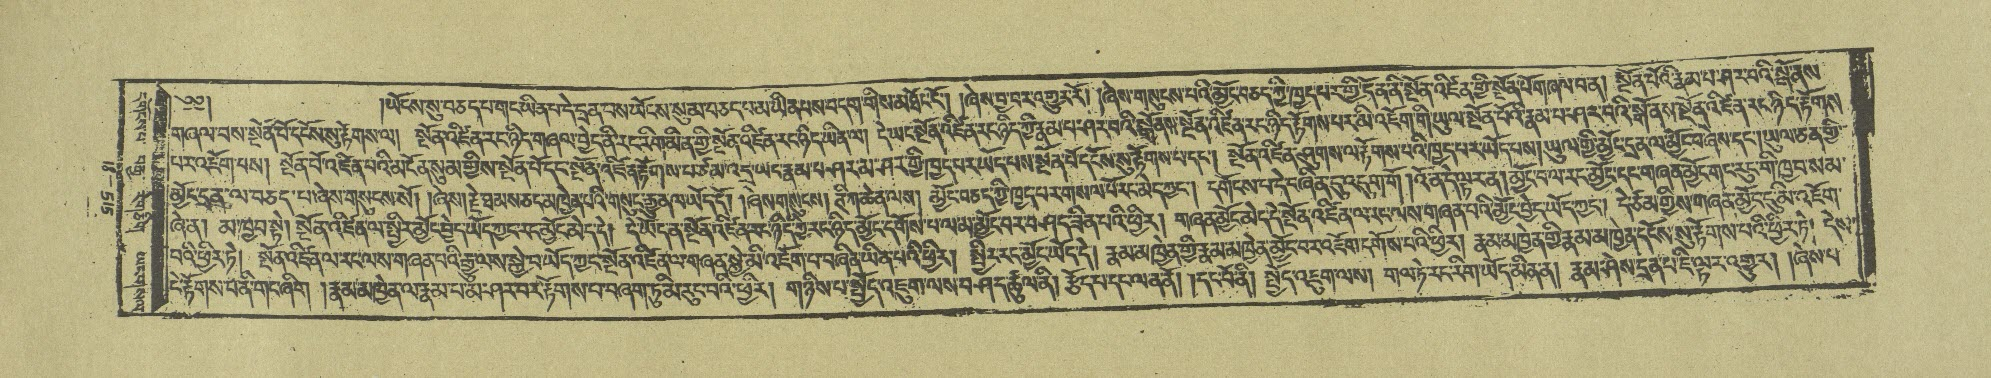༄༅། །ཡོངས་སུ་བཅད་པ་གང་ཡིན་པ་དེ་དྲན་པས་ཡོངས་སུ་མ་བཅད་པ་མ་ཡིན་པས་བདག་གིས་མཐོང་ངོ། །ཞེས་བྱ་བར་འགྱུར་རོ། །ཞེས་གསུངས་པའི་མྱོང་བཅད་ཀྱི་ཁྱད་པར་གྱི་དོན་ནི་སྔོན་འཛིན་གྱི་སྔོན་པོ་གཞལ་བ་ན། སྔོན་པོའི་རྣམ་པ་ཤར་བའི་སྒོ་ནས་
གཞལ་བས་སྔོན་པོ་དངོས་སུ་རྟོགས་ལ། སྔོན་འཛིན་རང་ཉིད་གཞལ་བྱེད་ནི་རང་རིག་མིན་གྱི་སྔོན་འཛིན་རང་ཉིད་ཡིན་ལ། དེ་ཡང་སྔོན་འཛིན་རང་ཉིད་ཀྱི་རྣམ་པ་ཤར་བའི་སྒོ་ནས་སྔོན་འཛིན་རང་ཉིད་རྟོགས་པར་མི་འཇོག་གི་ཡུལ་སྔོན་པོའི་རྣམ་པ་ཤར་བའི་སྒོ་ནས་སྔོན་འཛིན་རང་ཉིད་རྟོགས་
པར་འཇོག་པས། སྔོན་པོ་འཛིན་པའི་མངོན་སུམ་གྱིས་སྔོན་པོ་དང་སྔོན་འཛིན་རྟོགས་པ་ཙམ་འདྲ་ཡང་རྣམ་པ་ཤར་མ་ཤར་གྱི་ཁྱད་པར་ཡོད་པས་སྔོན་པོ་དངོས་སུ་རྟོགས་པ་དང་། སྔོན་འཛིན་ཤུགས་ལ་རྟོགས་པའི་ཁྱད་པར་ཡོད་པས། ཡུལ་གྱི་མྱོང་དྲན་ལ་མྱོང་བ་ཞེས་དང་། ཡུལ་ཅན་གྱི་
མྱོང་དྲན་ལ་བཅད་པ་ཞེས་གསུངས་སོ། །ཞེས། རྗེ་ཐམས་ཅད་མཁྱེན་པའི་གསུང་རྒྱུན་ལ་ཡོད་དོ། །ཞེས་གསུངས། ཊིཀ་ཆེན་ལས། མྱོང་བཅད་ཀྱི་ཁྱད་པར་གསལ་པོ་རང་མེད་ཀྱང་། དགོངས་པ་དེ་བཞིན་དུ་འདུག་གོ །འོ་ན་དེ་ལྟར་ན། མྱོང་བ་ལ་རང་མྱོང་དང་གཞན་མྱོང་གང་རུང་གི་ཁྱབ་སམ་
ཞེ་ན། མ་ཁྱབ་སྟེ། སྔོན་འཛིན་ལ་སྤྱིར་མྱོང་བྱེད་ཡོད་ཀྱང་རང་མྱོང་མེད་དེ། དེ་ཡོད་ན་སྔོན་འཛིན་རང་ཉིད་ཀྱི་རང་ཉིད་མྱོང་དགོས་པ་ལ་མ་མྱོང་བར་བཤད་ཟིན་པའི་ཕྱིར། གཞན་མྱོང་མེད་དེ་སྔོན་འཛིན་ལ་རང་ལས་གཞན་པའི་མྱོང་བྱེད་ཡོད་ཀྱང་། དེ་ཙམ་གྱིས་གཞན་མྱོང་དུ་མི་འཇོག་
པའི་ཕྱིར་ཏེ། སྔོན་འཛིན་ལ་རང་ལས་གཞན་པའི་རྒྱུ་ལས་སྐྱེ་བ་ཡོད་ཀྱང་སྔོན་འཛིན་ལ་གཞན་སྐྱེ་མི་འཇོག་པ་བཞིན་ཡིན་པའི་ཕྱིར། སྤྱིར་རང་མྱོང་ཡོད་དེ། རྣམ་མཁྱེན་གྱི་རྣམ་མཁྱེན་མྱོང་བར་འཇོག་དགོས་པའི་ཕྱིར། རྣམ་མཁྱེན་གྱི་རྣམ་མཁྱེན་དངོས་སུ་རྟོགས་པའི་ཕྱིར་ཏེ། དེས་
དེ་རྟོགས་པ་ནི་གང་ཞིག །རྣམ་མཁྱེན་ལ་རྣམ་པ་མ་ཤར་བར་རྟོགས་པ་བཞག་ཏུ་མི་རུང་བའི་ཕྱིར། གཉིས་པ་སྤྱོད་འཇུག་ལས་བཤད་ཚུལ་ནི། རྩོད་པ་དང་ལན་ནོ། །དང་པོ་ནི། སྤྱོད་འཇུག་ལས། གལ་ཏེ་རང་རིག་ཡོད་མིན་ན། རྣམ་ཤེས་དྲན་པ་ཇི་ལྟར་འགྱུར། །ཞེས་པ་